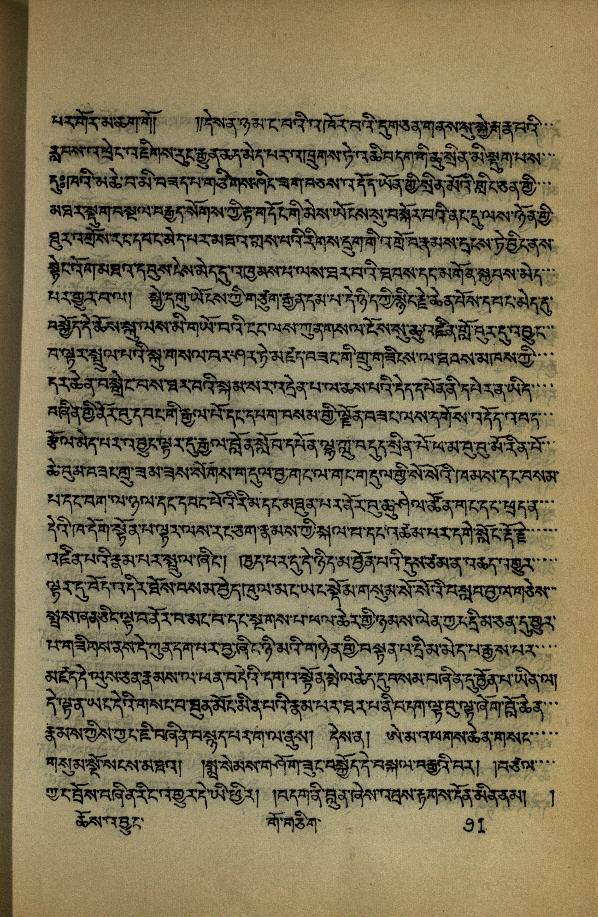པར་གོར་མཆག་གོ། །།དེས་ན་ཉམ་ང་བའི་འཁོར་བའི་དུག་ཅན་གནས་སུ་སྐྱེ་རྒ་རྣ་བའི་
རླབས་འཕྲེང་འཇིགས་རུང་རྒྱུན་ཆད་མེད་པར་འཁྲུངས་ཏེ་འཆི་བདག་གི་ཆུ་སྲིན་མི་སྡུག་པས་
དུཿ ཁའི་མཆེ་བ་མོ་བཟད་པ་གཏིགས་ཤིང་ཟག་བཅས་འདོད་ཡོན་གྱི་སྲིན་མོའི་གླིང་ཅན་གྱི་
མཐར་སྡུག་བསྔལ་བརྒྱད་སོགས་ཀྱི་རྟ་གདོང་གི་མེས་ཡོངས་སུ་བསྐོར་བའི་ནང་དུ་ལས་ཉོན་གྱི་
ཐུར་འགྲོས་རང་དབང་མེད་པར་མཐའ་ཀླས་པའི་རིགས་དྲུག་གི་འགྲོ་བ་རྣམས་དྲངས་ཏེ་བྱིང་ནས་
སྟེང་འོག་མཐའ་དབུས་ངེས་མེད་དུ་འཁྱམས་པ་ལས་ཐར་བའི་ཐབས་དང་མགོན་སྐྱབས་མེད་
པར་གྱུར་བ་ལ། སྐྱེ་དགྱོངས་ཀྱི་གཙུག་རྒྱན་དམ་པ་དེ་ཉིད་ཀྱི་སྙིང་རྗེ་ཆེན་པོས་དབང་མེད་དུ་
བསྐྱོད་དེ་ཆོས་སྐུ་ལས་མི་གཡོ་བའི་ངང་ལས་ཀུན་གསལ་ངོས་སུ་ཆུ་འཛིན་གློ་བུར་དུ་འབྱུང་
བལྟར་སྤྲུལ་བའི་སྐུ་གསུལ་བར་ཤར་ཏེ་མཛད་བཟང་གི་གྲུ་གཟིངས་ལ་ཐབ་མཁས་ཀྱི་
དར་ཆེན་བསྒྲེང་བས་ཐར་བའི་སྐམ་སར་འདྲེན་པ་ལ་ཆས་པའི་དེད་དཔོན་ནི་དཔེར་ཡིད་
བཞིང་ཡི་ནོར་བུ་དབང་གི་རྒྱལ་པོ་དང་དཔག་བསམ་གྱིས་ལྗོན་བཟང་ལས་དགོས་འདོད་འབད་
རྩོལ་མེད་པར་འབྱུང་ལྟར་དུ་རྒྱལ་བློན་སློབ་དཔོན་ལྷ་ཀླུ་བདུད་སྲིན་པོ་ཕ་མ་བུ་བུ་མོ་རིན་པ་
ཚེ་བུམ་བཟང་གྲུ་ཟམ་ཟས་སོགས་གདུལ་བྱ་གང་ལ་གནག་གདུལ་གྱི་སོ་སོའི་ཁམས་དང་བསམ་
པ་དང་བག་ལ་ཉལ་དང་དབང་པོའི་རིམ་དང་མཐུན་པར་ནོར་བུ་ཆུ་ཤེལ་ཚོན་གང་དང་ཕྲད་ན་
དེའི་ཁ་དོག་སྟོན་པ་ལྟར་ལས་རང་ཅག་རྣམས་ཀྱི་སྐལ་བ་དང་འཚམ་པར་དགེ་སློང་རྡོ་རྗེ་
འཛིན་པའི་རྣམ་པར་སྤྲུལ་ཞིང་། ཁྱད་པར་དུ་དེ་ཉིད་མ་བྱོན་པའི་དུས་ཙམ་ན་འཆད་འགྱུར་
ལྟར་དུ་བོད་འདིར་ཐོས་བསམ་བྱེད་ཁུལ་མང་ཡང་སྡོམ་གསུམ་སོ་སོའི་བསླབ་བྱ་ལ་གཅེས་
སྤྲས་ཞན་ཅིང་ལྟ་བ་ནོར་བ་མང་བ་དང་སྔགས་པ་ཕལ་ཆེར་གྱི་ཉམས་ལེན་ཀྱང་དྲི་མ་ཅན་དུ་གྱུར་
པ་གཟིགས་ནས་དེ་ཀུན་དག་པར་བྱ་ཞིང་ཉི་མའི་གཉེན་གྱི་བསྟན་པ་དྲི་མ་མེད་པ་རྒྱས་པར་
མཛད་དེ་ལུས་ཅན་རྣམས་ལ་ཕན་བདེའི་དགའ་སྟོན་སྤེལ་ཆེད་དུ་བསམ་བཞིན་དུ་བྱོན་པ་ཡིན་ལ།
དེ་ལྟན་ཡང་དེའི་གསང་བ་ཐུན་མོང་མིན་པའི་རྣམ་པར་ཐར་པ་ནི་བདག་ལྟ་བུ་ལྟ་ཞོག་བློ་ཆེན་
རྣམས་ཀྱིས་ཀྱང་ཇི་བཞིན་བསྙད་པར་ག་ལ་ནུས། དེས་ན། ཨེ་མ་འཕགས་ཆེན་གསང་
གསུམ་སྔོ་སངས་མཐའ། །སྨྲ་སེམས་གཤོག་ཟུང་བསྐྱོད་དེ་བསྐལ་བརྒྱའི་བར། །བཙལ་
ཀྱང་བྲོས་བཞིན་རིང་འགྱུར་དེ་ཡི་ཕྱིར། །བདག་ནི་བླུན་ཞེས་འབྲས་རྟགས་དོན་མིན་ནམ། །